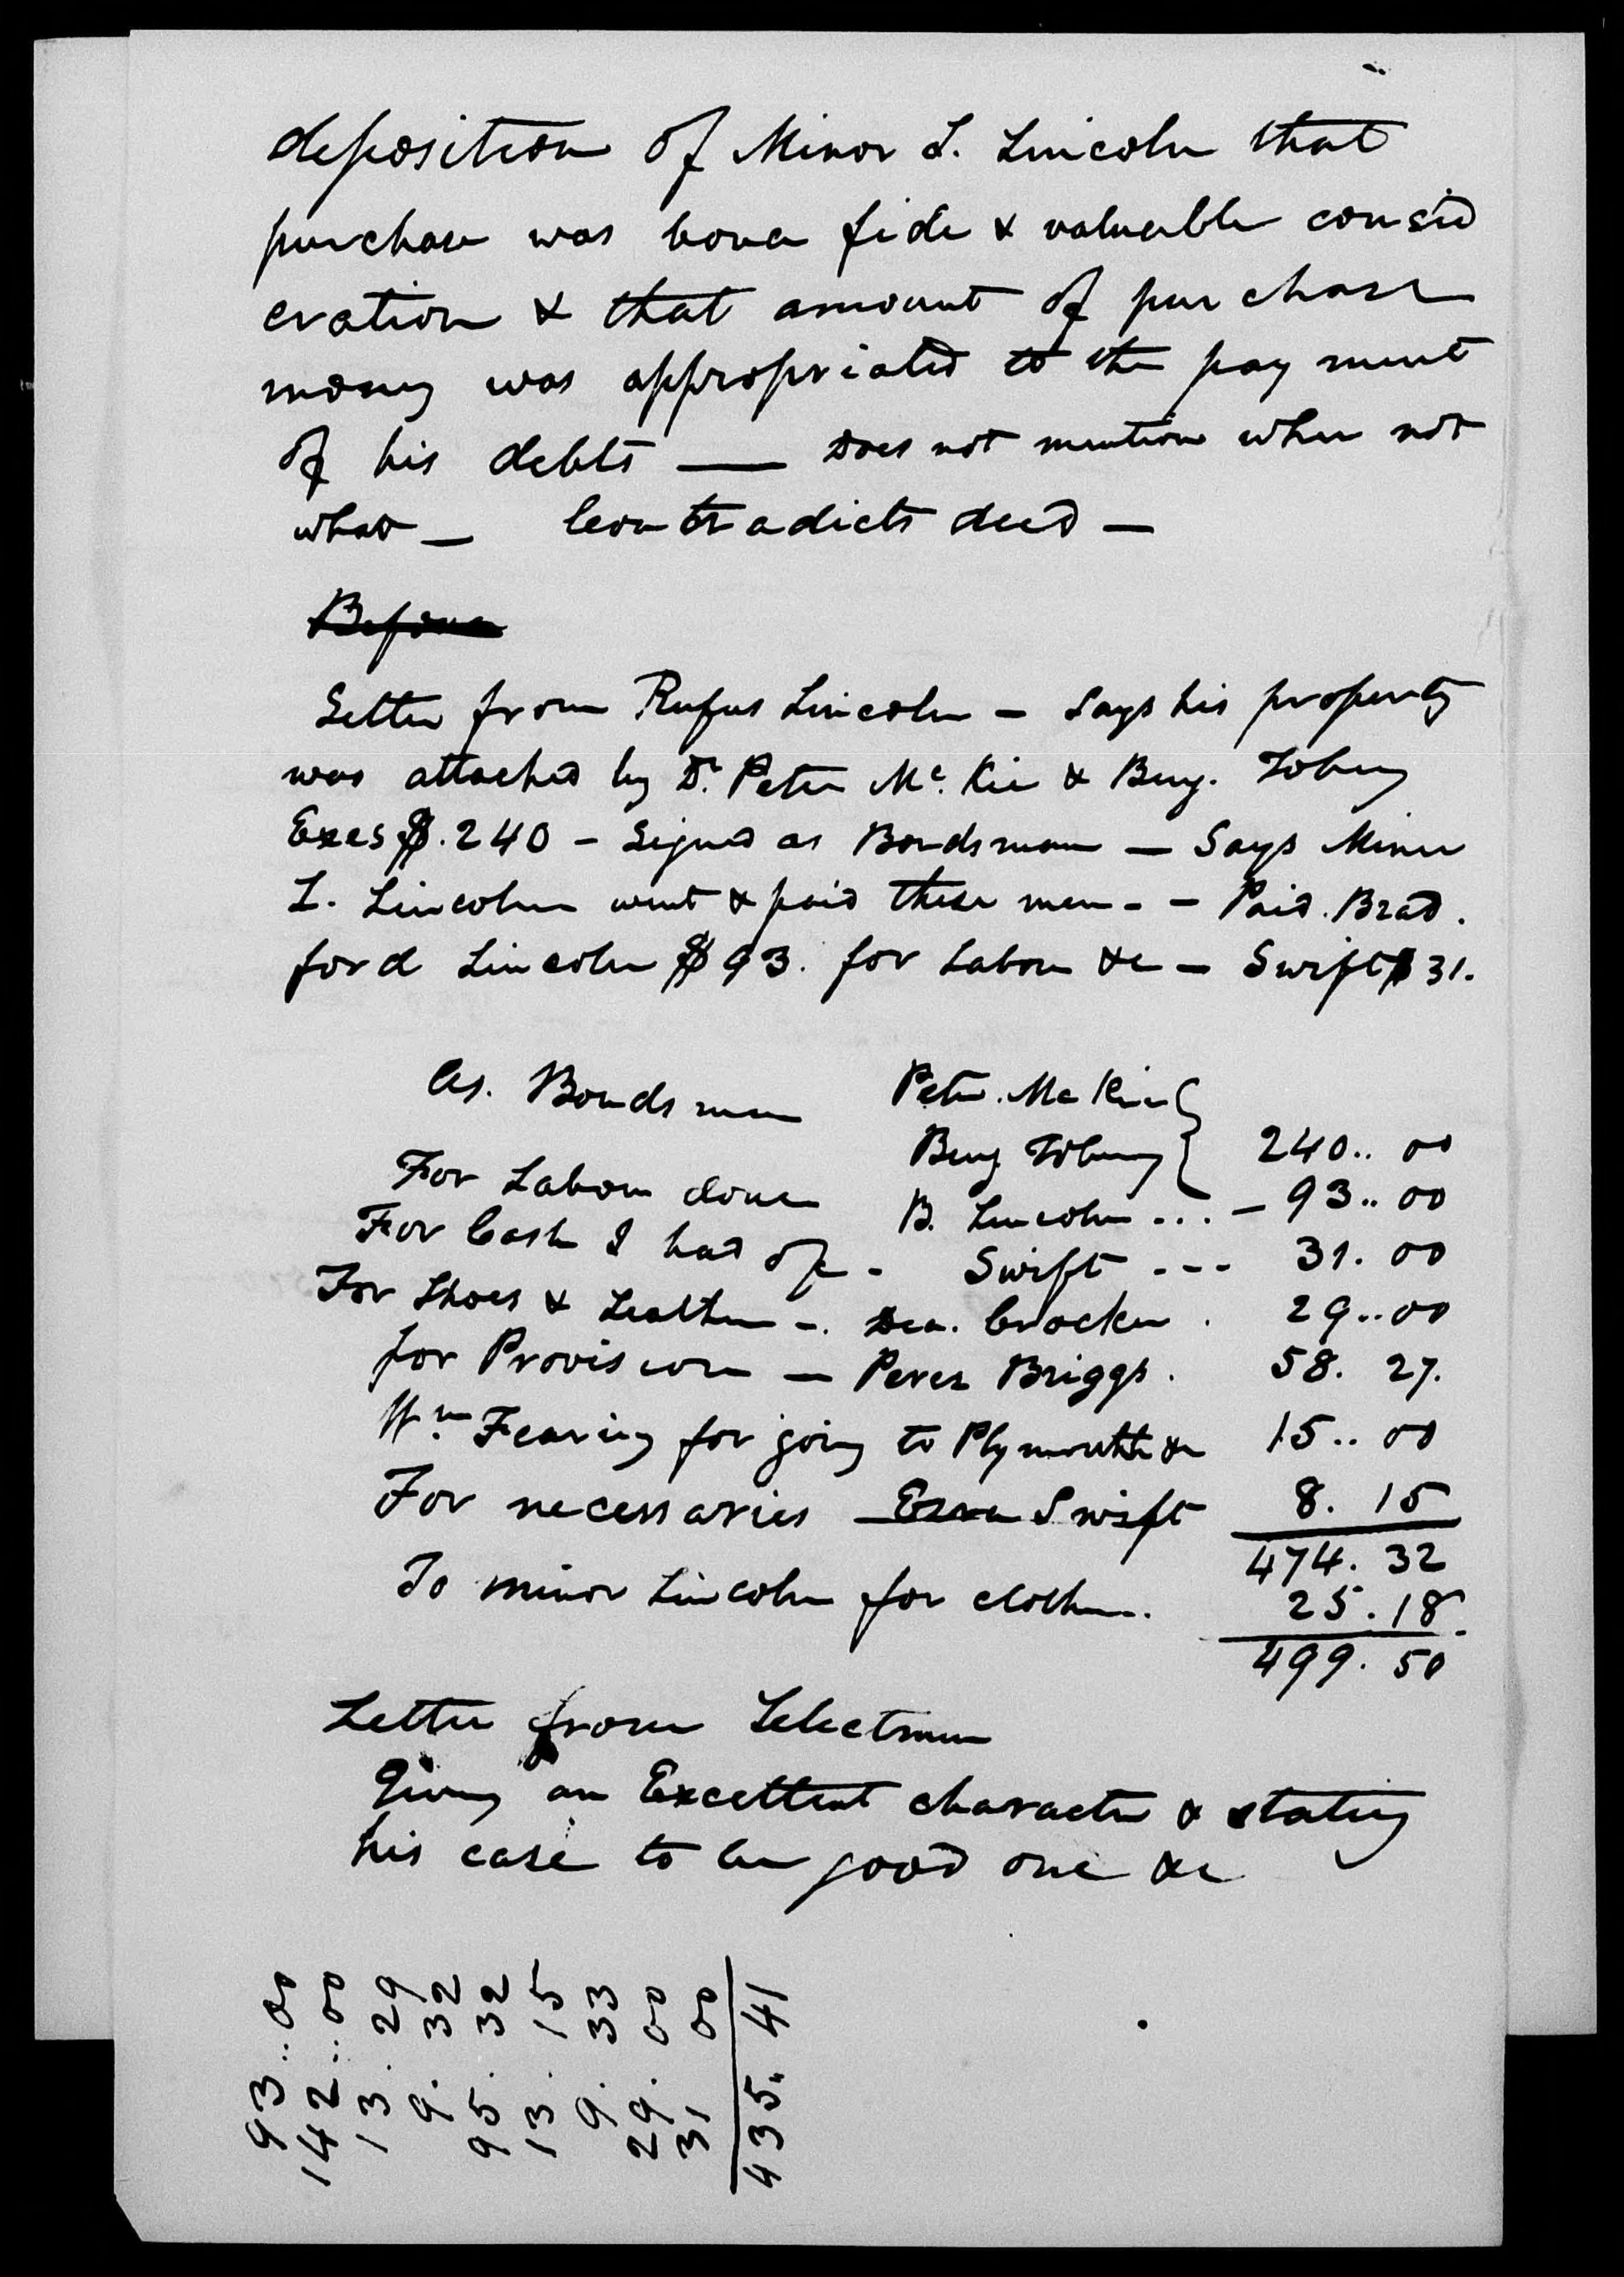deposition of Minor L. Lincoln that
purchase was bona fide & valuable consideration & that amount of purchase
money was appropriated to the payment
of his debts -Does not mention when not
what__contradicts deed-

Letter from Rufus Lincoln says his property
was attached by Dr Peter McKie & Benj. Tobey 
Exes $240 - signed as Bondsman-- says Minor
L. Lincoln went & paid these men-- Paid Bradford Lincoln $93. for Labor &c. --Swift $31

As Bondsmen Peter McKie}   240.00
                        Benj. Tobey}
For labor done   B. Lincoln      93.00
For cash I had of -  Swift----    31.00
For shoes & leather_Asa Crocker  29.00
For Provisions--   Percy  Briggs----58.00
Wm. Fearing for going to Plymouth--15.00
For necessaries__Ezra Swift-----8.15
                                                 474.32
To Minor Lincoln for clothes,----25.18
                                                  499.50

Letter from Selectmen
Giving an Excellent character & stating his case to be a good one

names: Wm Fearing; Benj Tobey; Peter Mc Kie; Rufus Lincoln; Minor S Lincoln; [BLANK] Crocker; Perez Briggs; Ezra Swift; Bradford Lincoln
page: 67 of 82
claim: widow's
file: W. 13,634, for Rufus Lincoln, Massachusetts